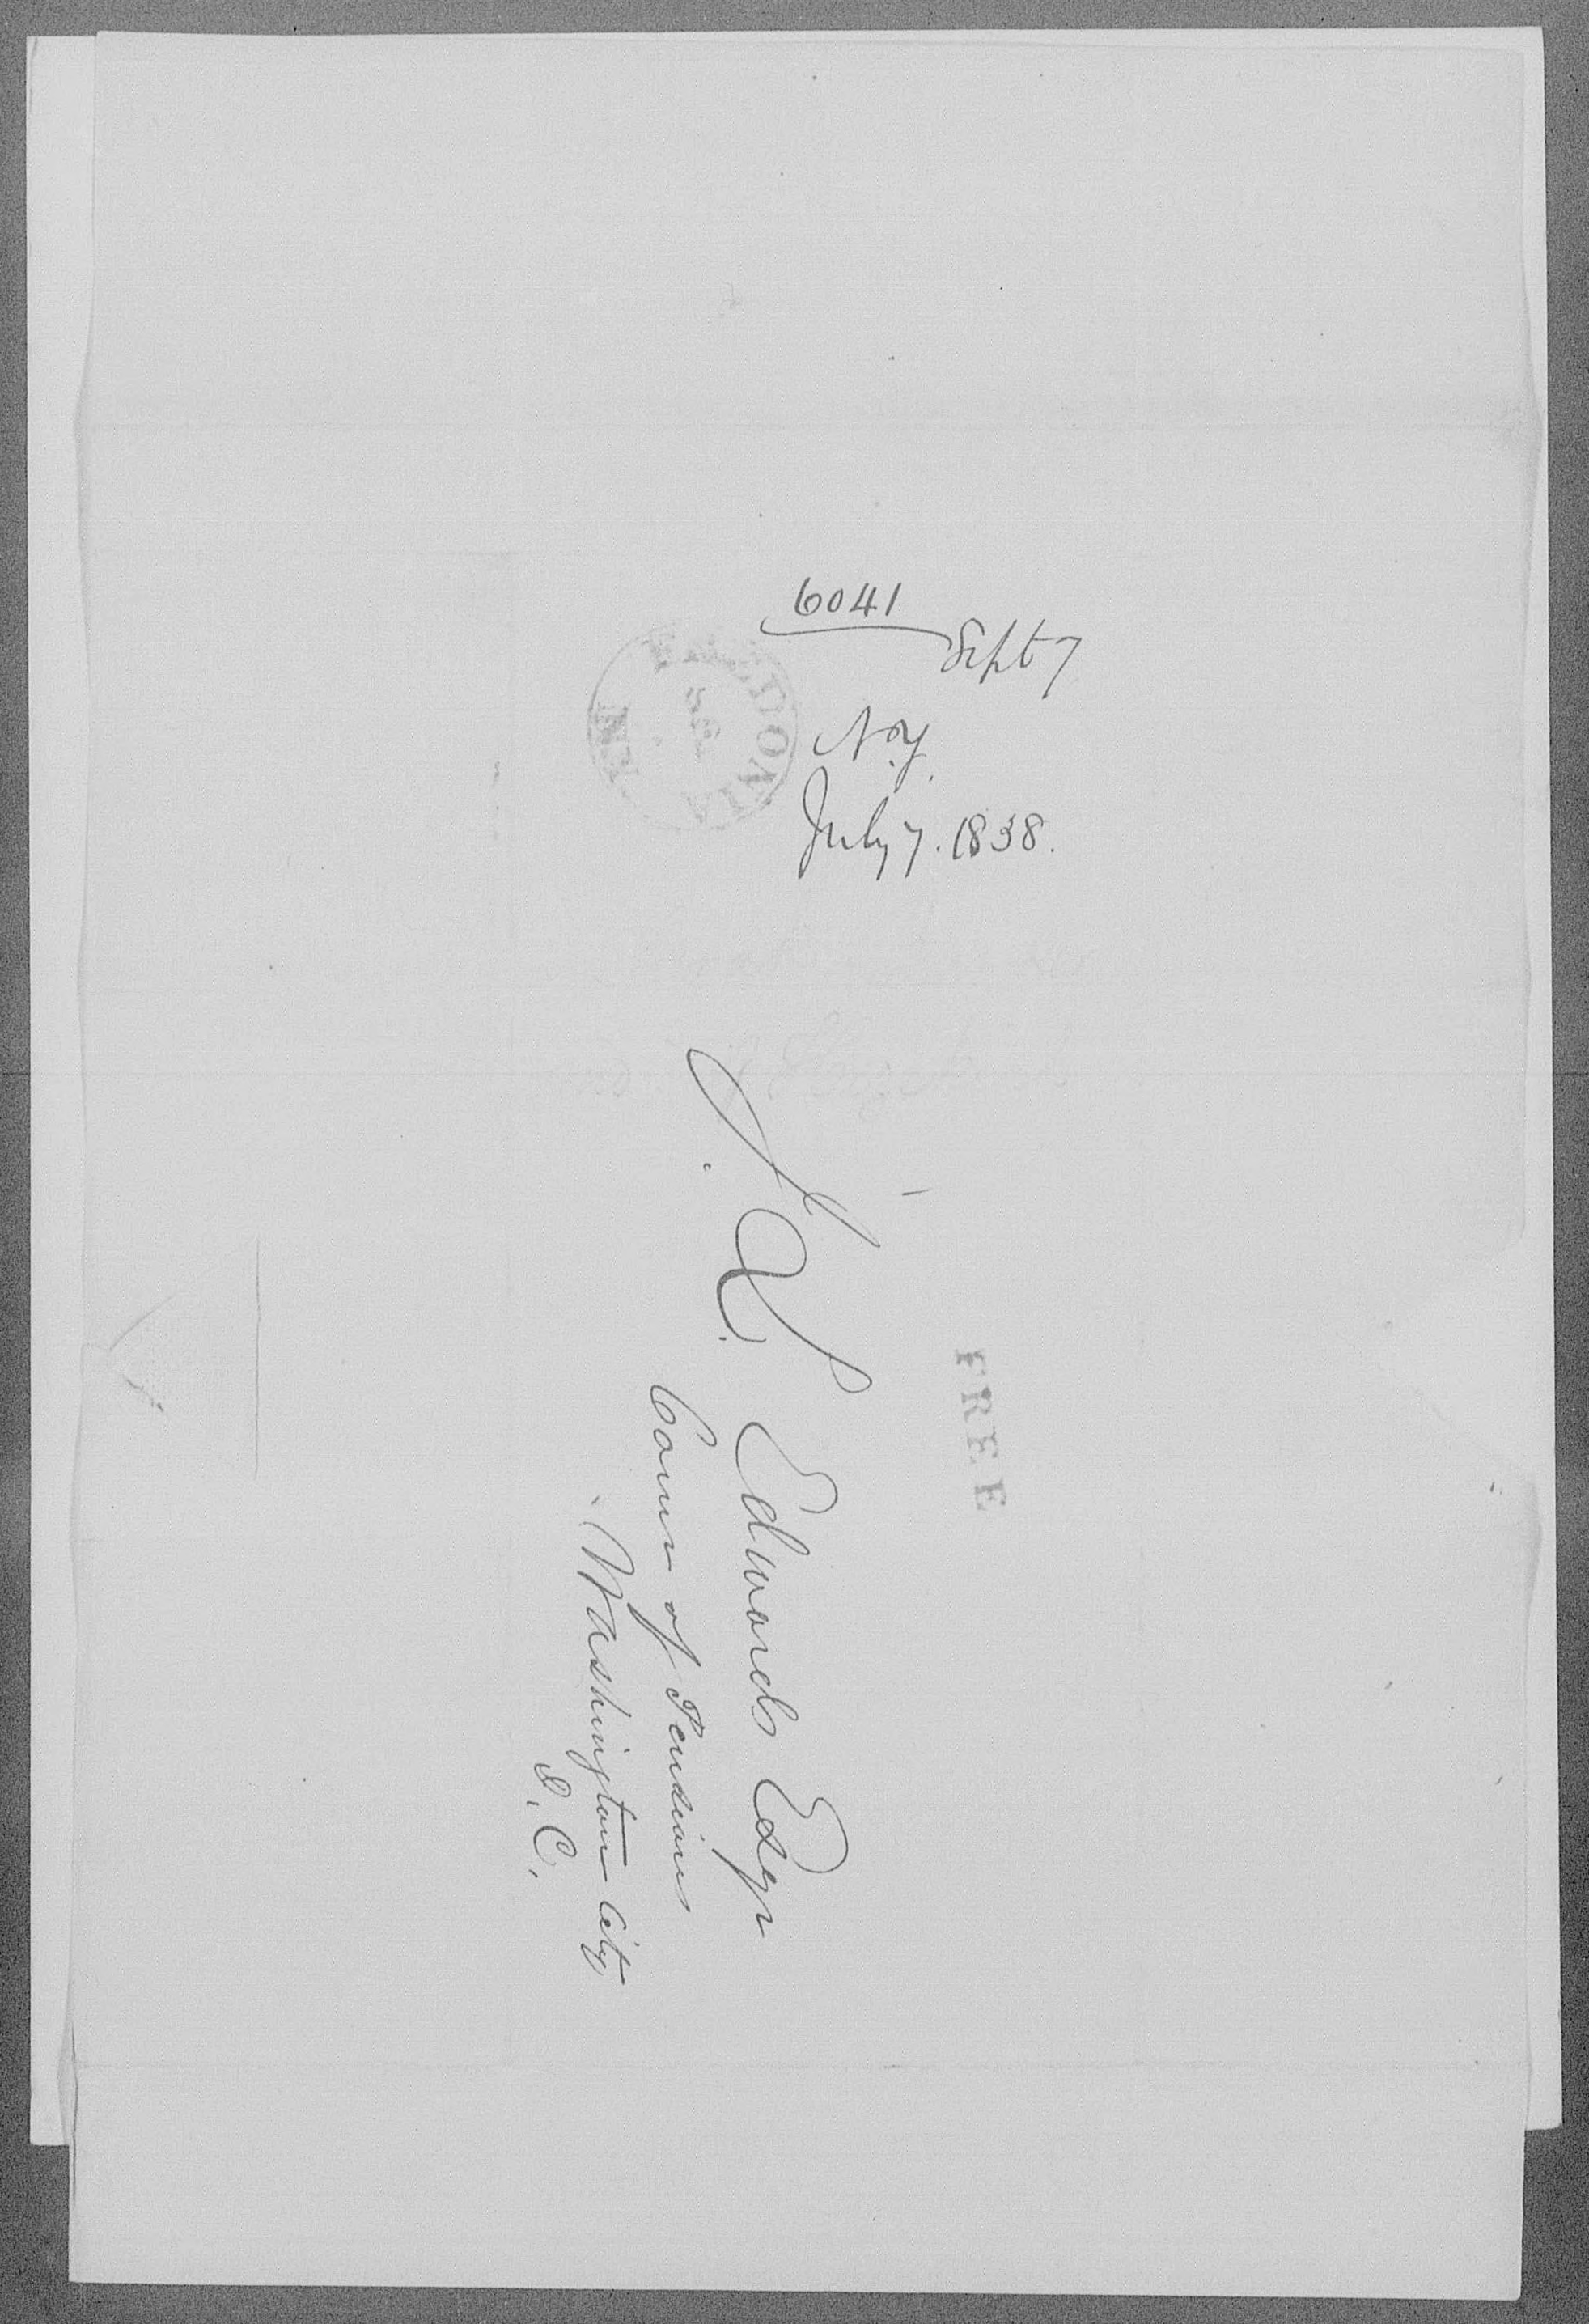[addressed to]
J. L. Edwards Esqr.
Comm. of Pensions
Washington City
D. C.
[stamped] FREE
[postmark] FREDONIA N. Y. 
[handwritten]
6014
Sept. 7
N. Y. 
July 7 1838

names: J L Edwards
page: 23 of 52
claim: widow's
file: W. 18,565, Hezekiah Barker, Continental R.I.